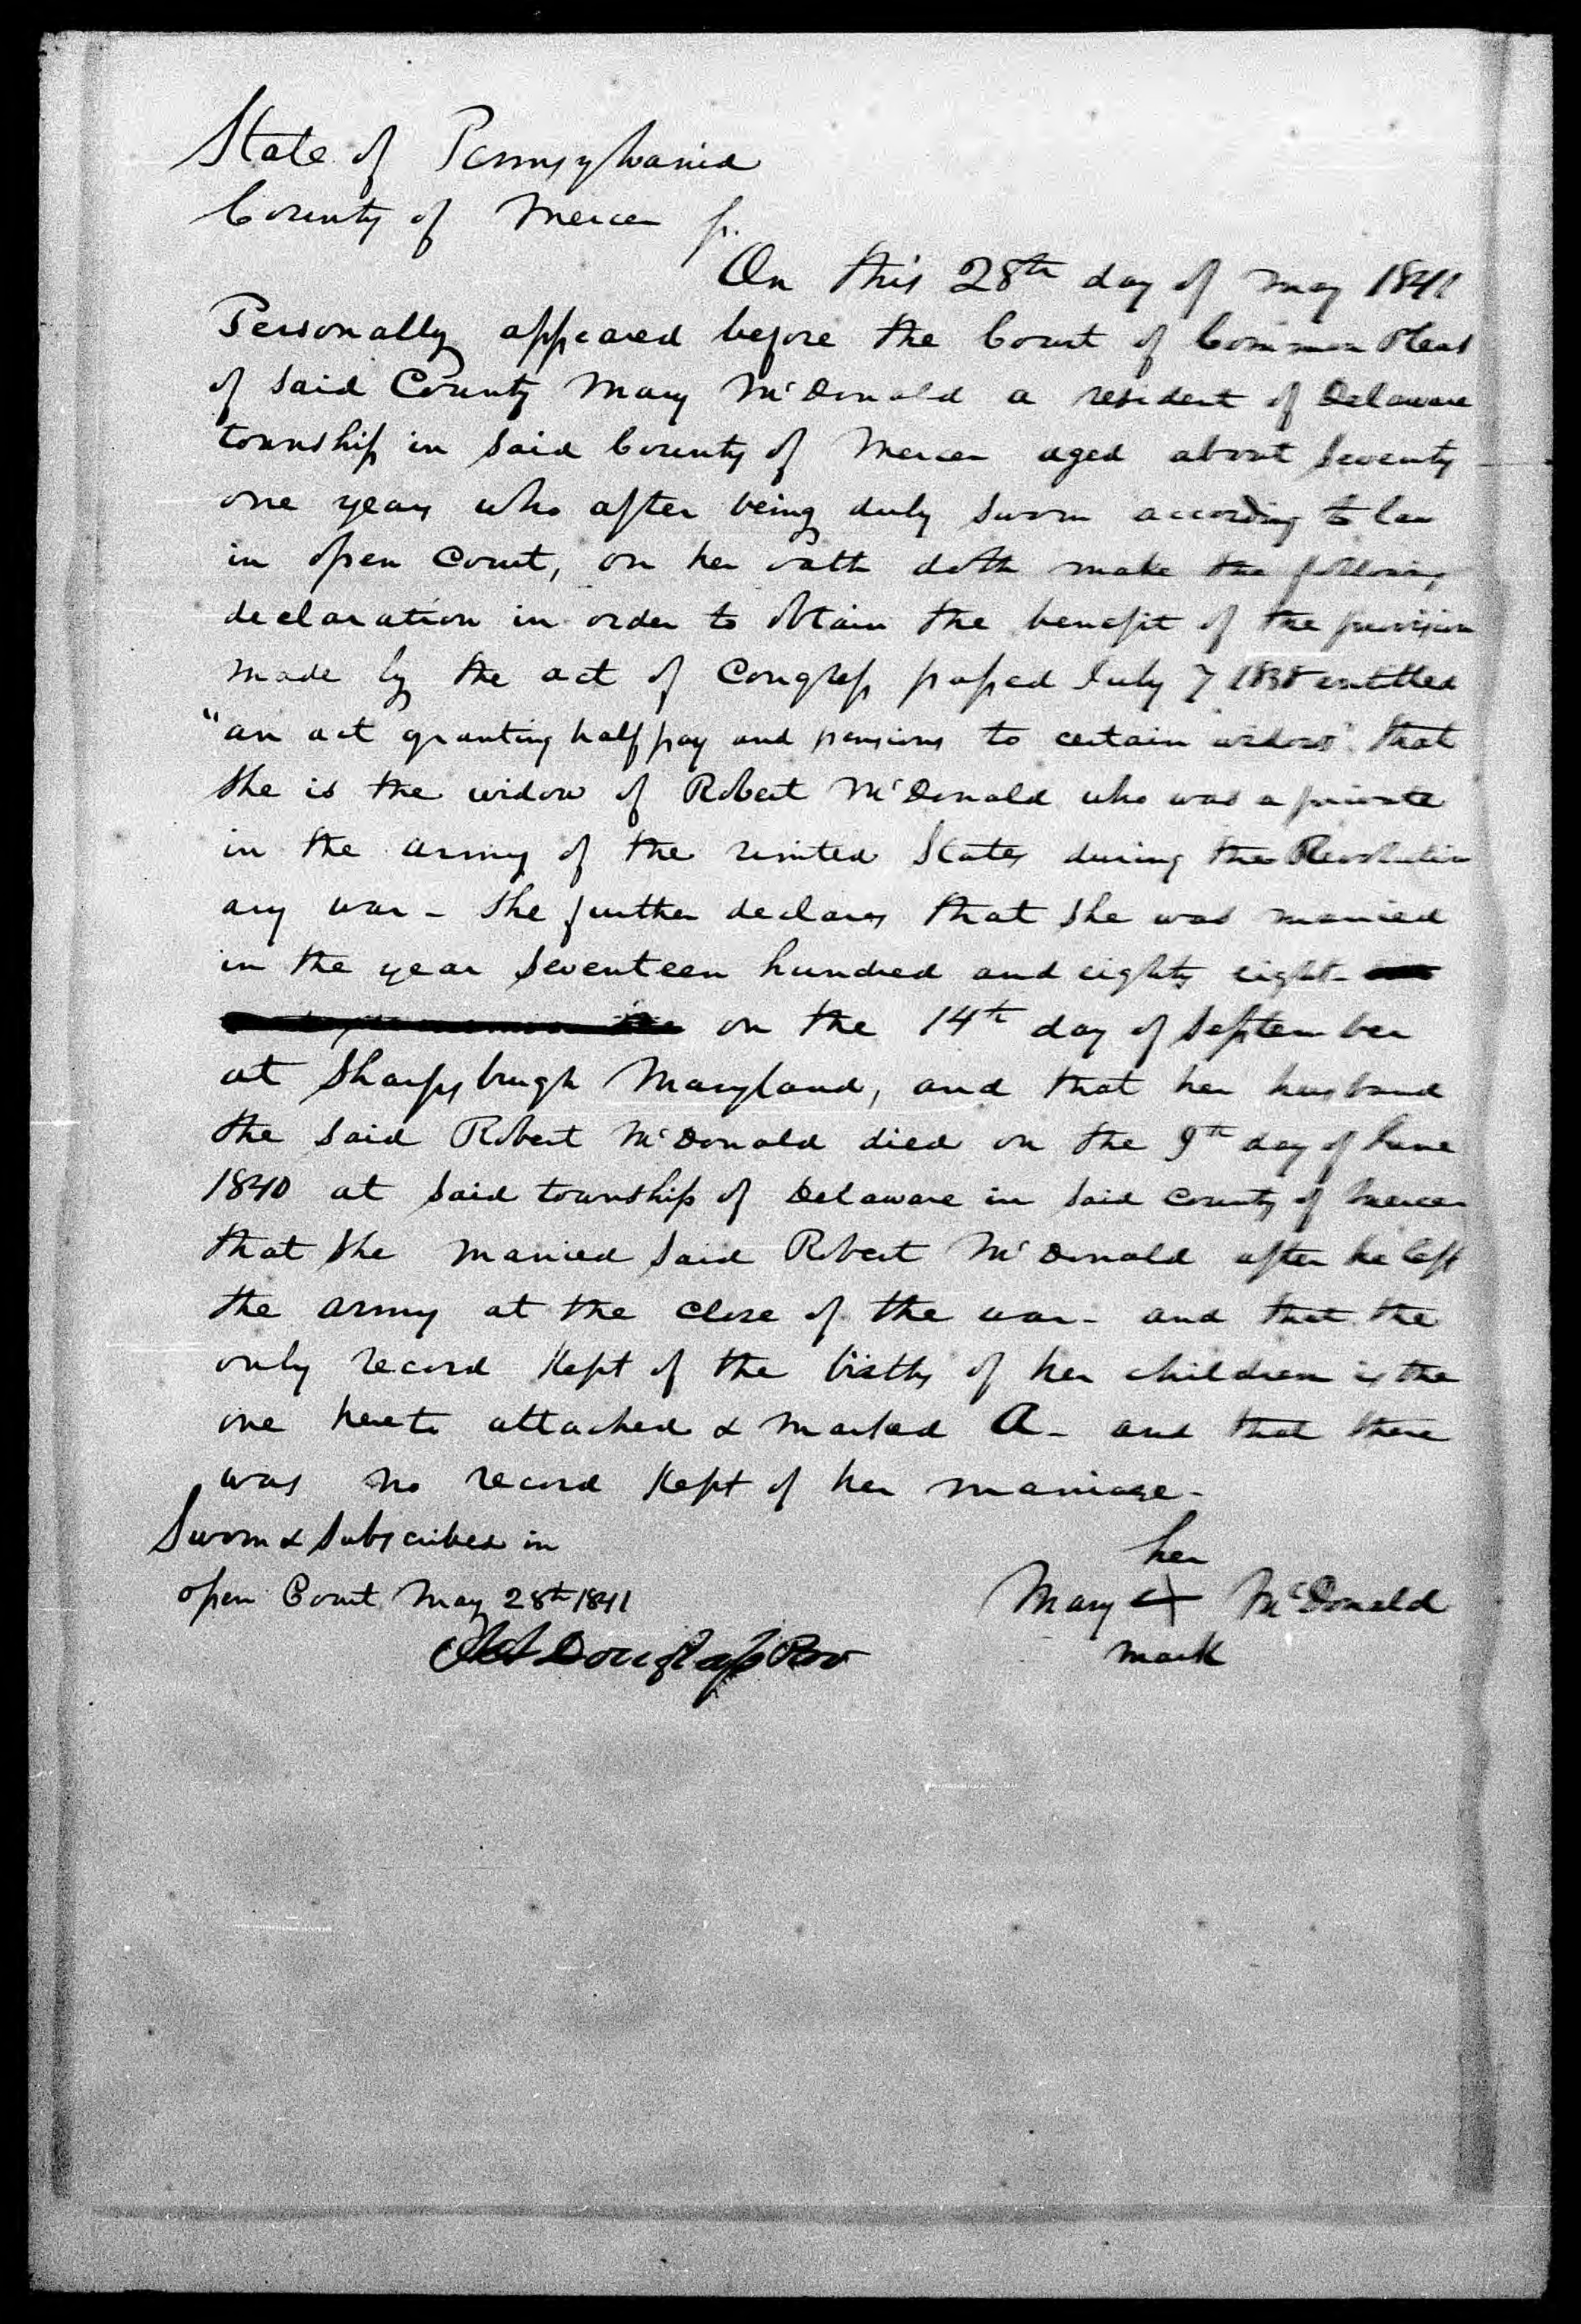State of Pennsylvania
County of Mercer
On this 28th day of May 1841 Personally appeared before the Court of Common Pleas of said county Mary McDonald a resident of Delaware township in said County of Mercer aged about Seventy one years who after being duly sworn according to law in Open Court on her oath make the following declaration in order to obtain the benefit of the provisions made by the Act of Congress passed July 7 1838 entitled "an act granting half pay and pensions to certain widow that She is the widow of Robert McDonald who was a private in the Army of the United States during the Revolutionary war She further declares that she was married tin the year Seventeen hundred and Eighty eight on the 14th day of September at Sharpburgh Maryland, and that her husband the said Robert McDonald died on the 9th day of June 1840 at Said township of Delaware in said County of Mercer that she married said Robert McDonald after he left the army at the close of the war and that there was no record kept of her marriage.  Sworn and Subscribed in Open Court May 28th 1841
Jacob Douglass Prothy
Mary McDonald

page: 15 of 59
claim: widow's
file: W 3703, for Robert Mc Donald, Pennsylvania